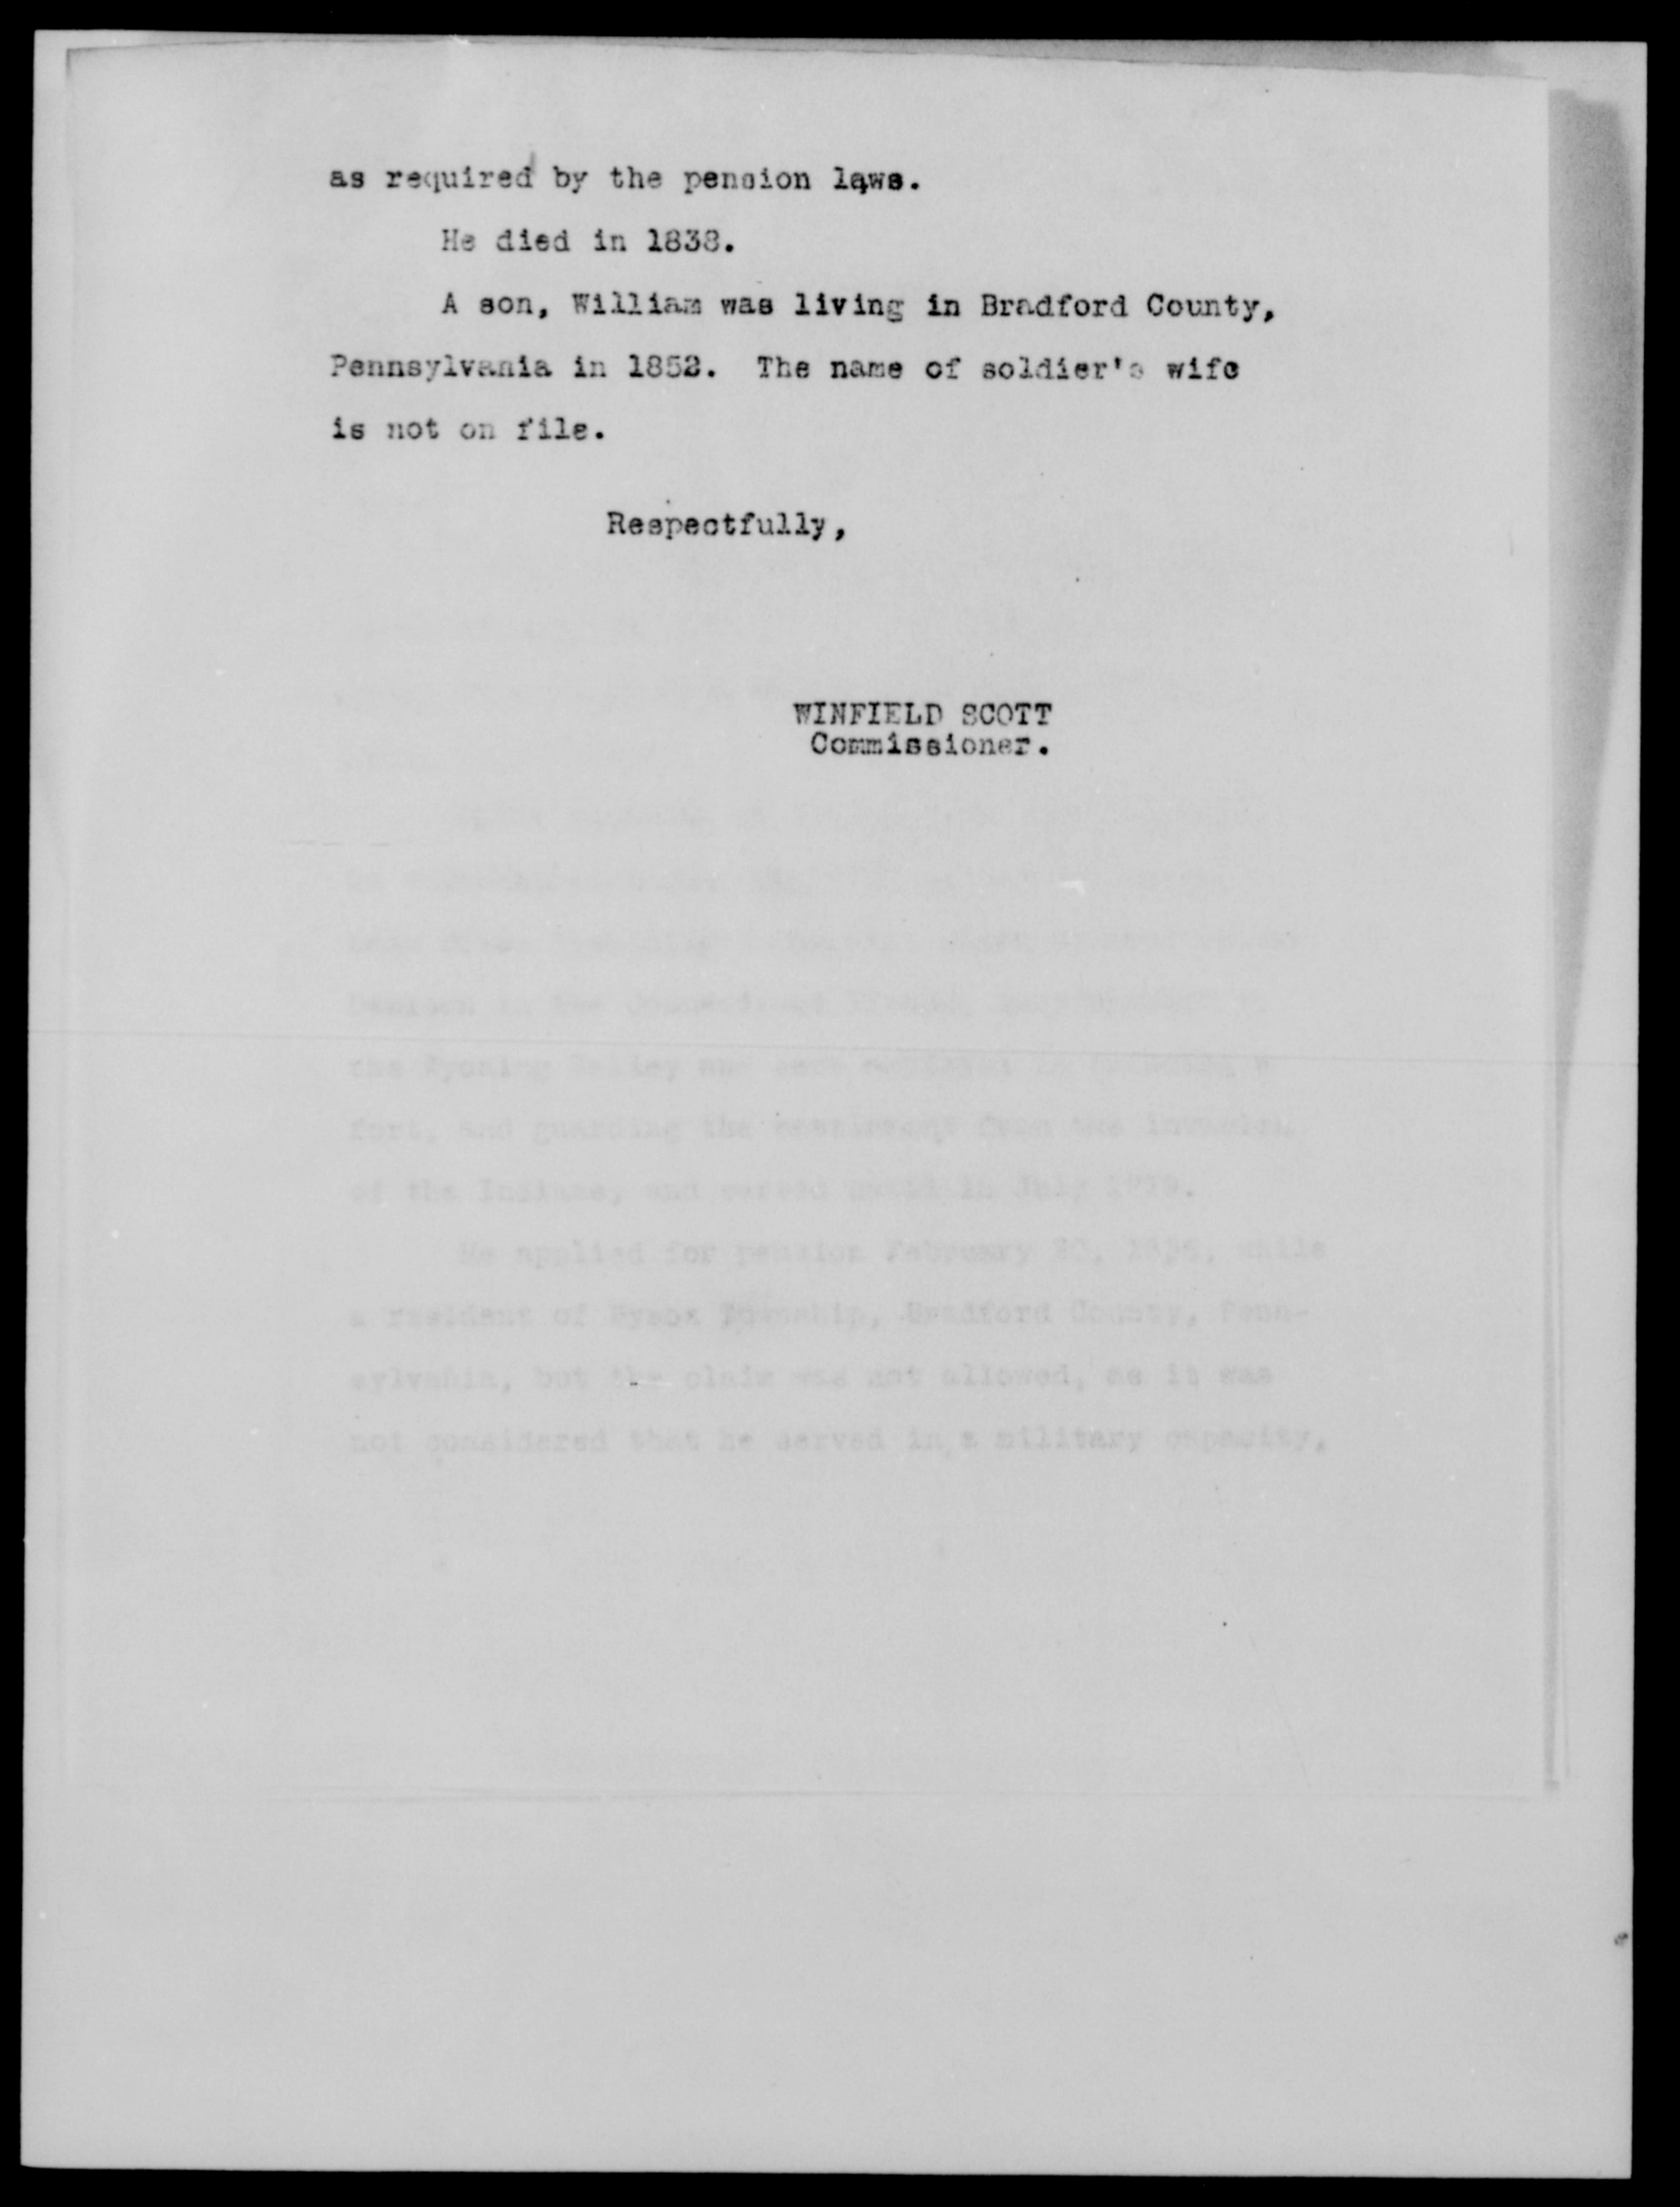as required by the pension laws.

He died in 1838.

A son, William, was living in Bradford County, Pennsylvania in 1852.  The name of the soldier's wife is not on file.

Respectfully,

WINFIELD SCOTT
Commissioner.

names: William [BLANK]; Winfield Scott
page: 13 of 29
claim: rejected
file: R. 9570, for Jabez Sill, Connecticut